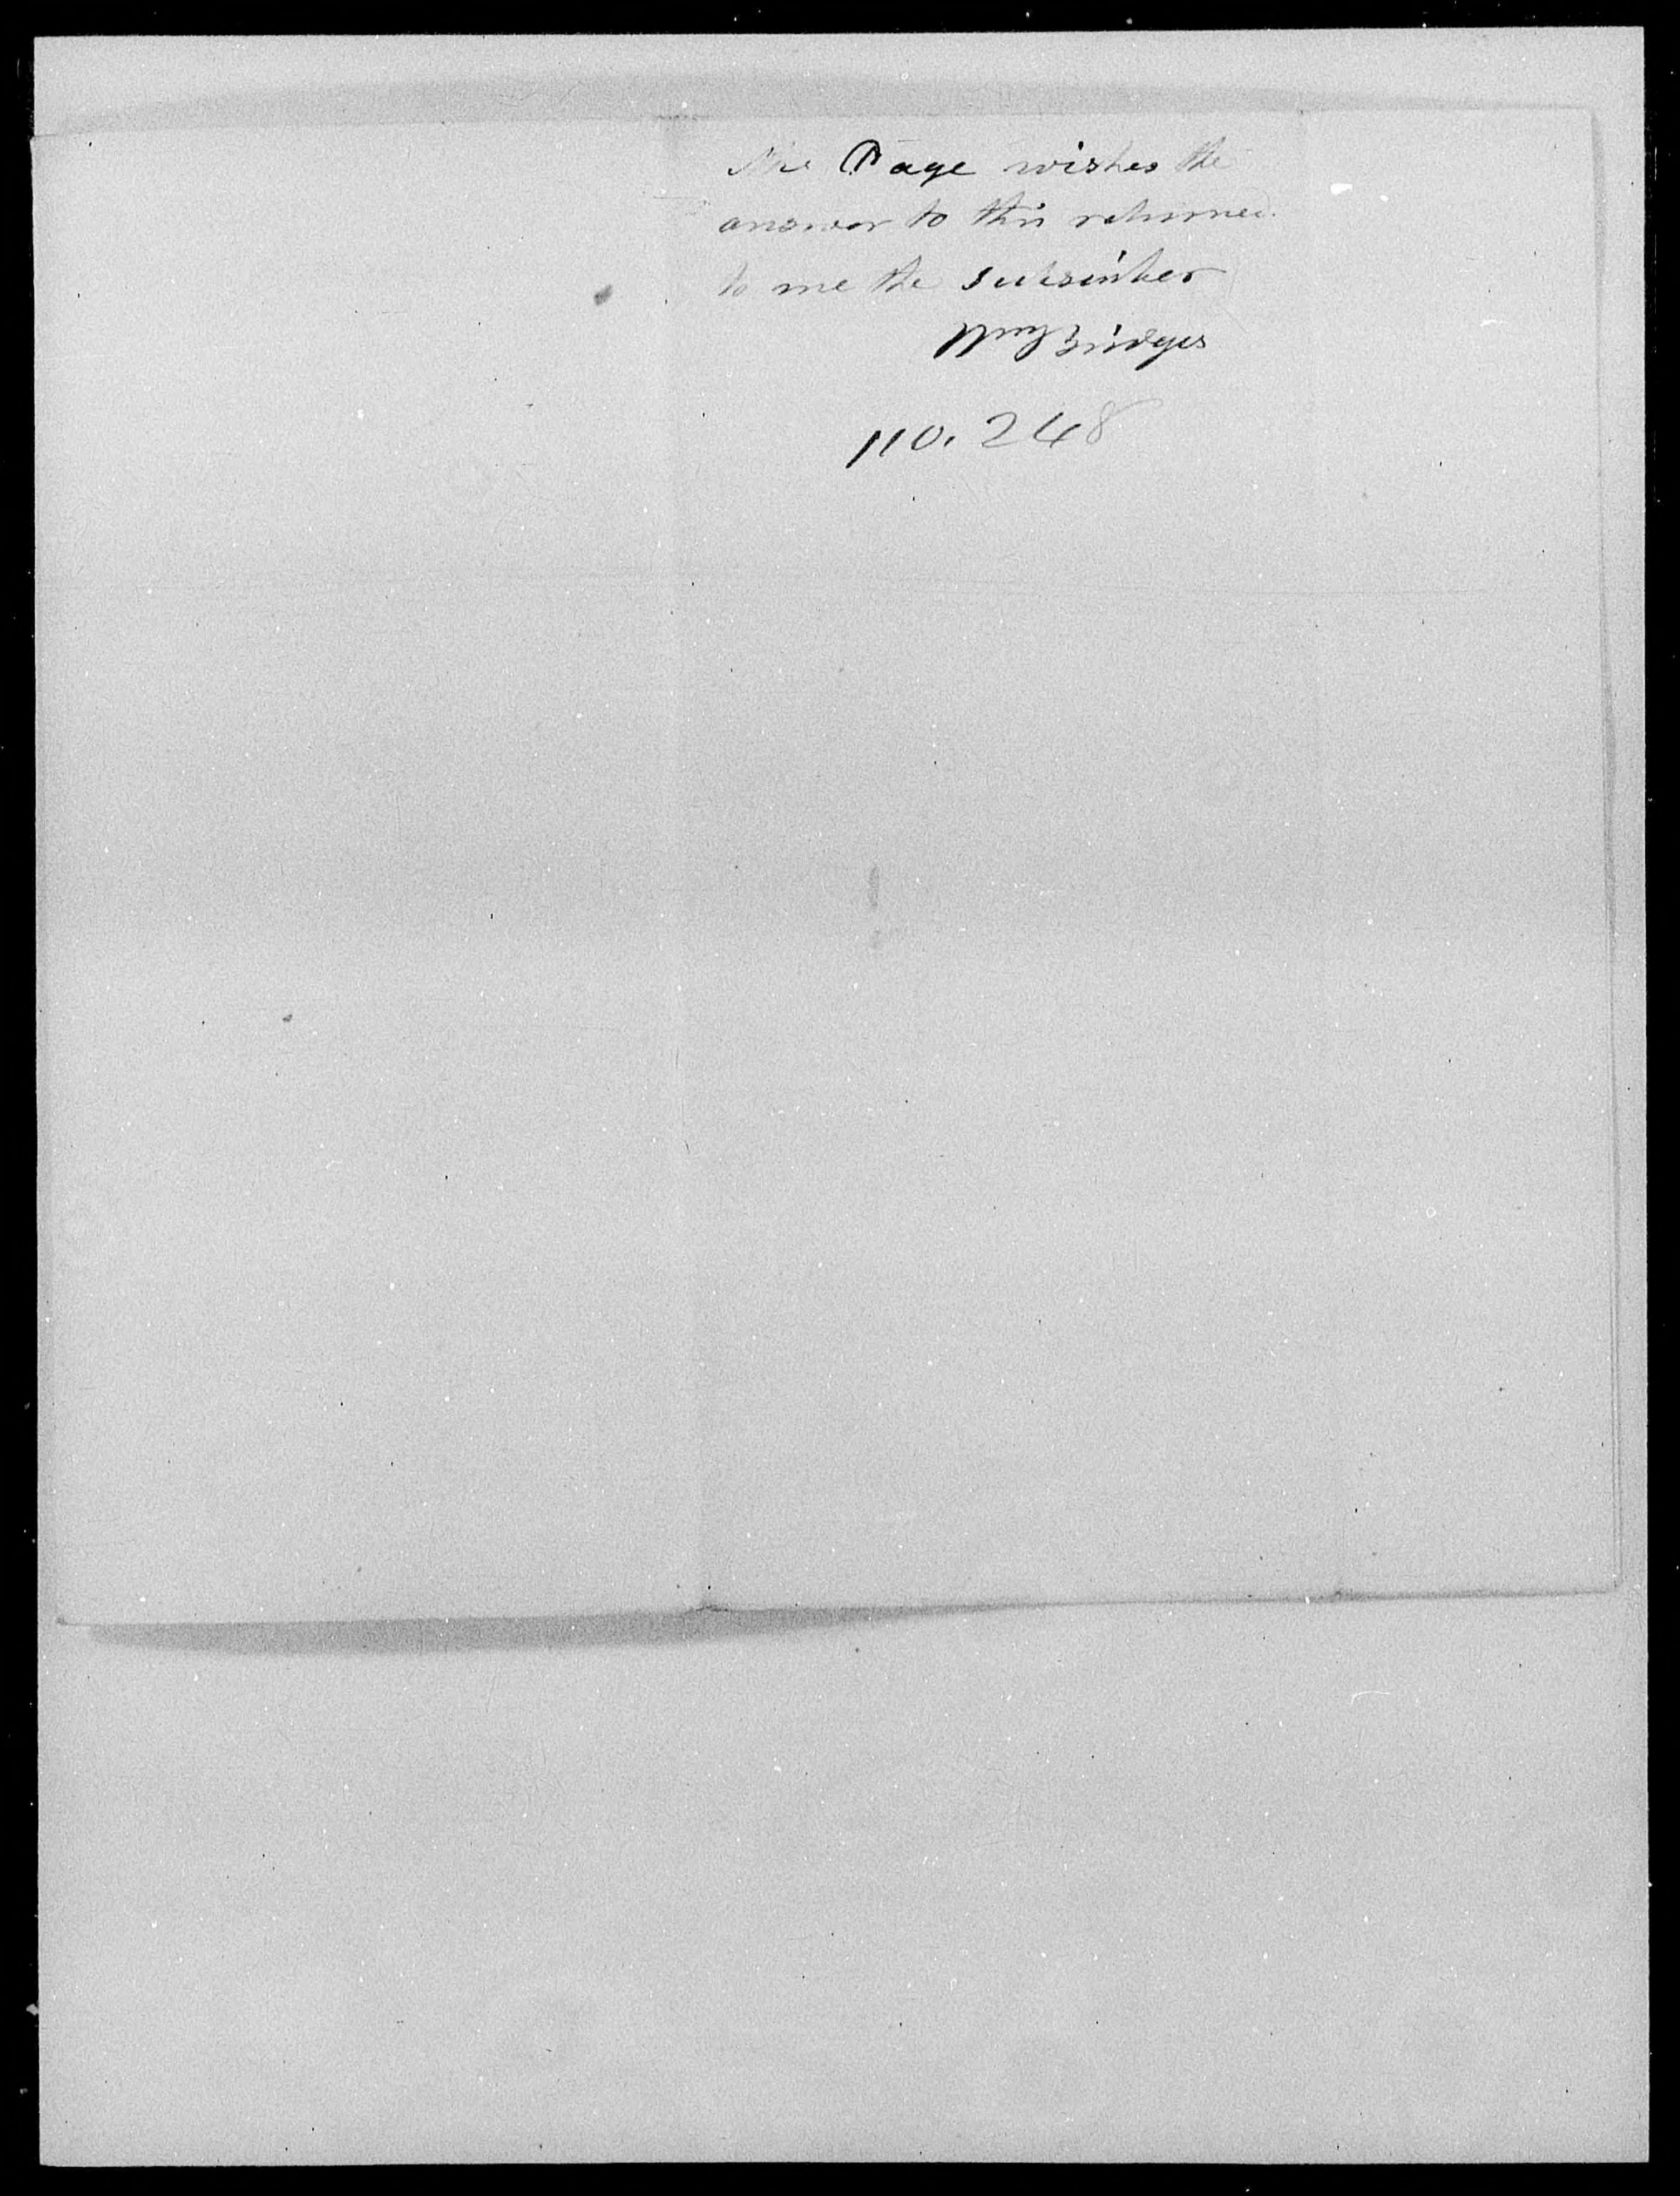Mrs Page wishes the
answer to this returned
to me the subscriber
Wm Bridges
110.248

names: [BLANK] Page; Wm Bridges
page: 19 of 40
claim: widow's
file: W. 15168, for Foster Paige, Massachusetts